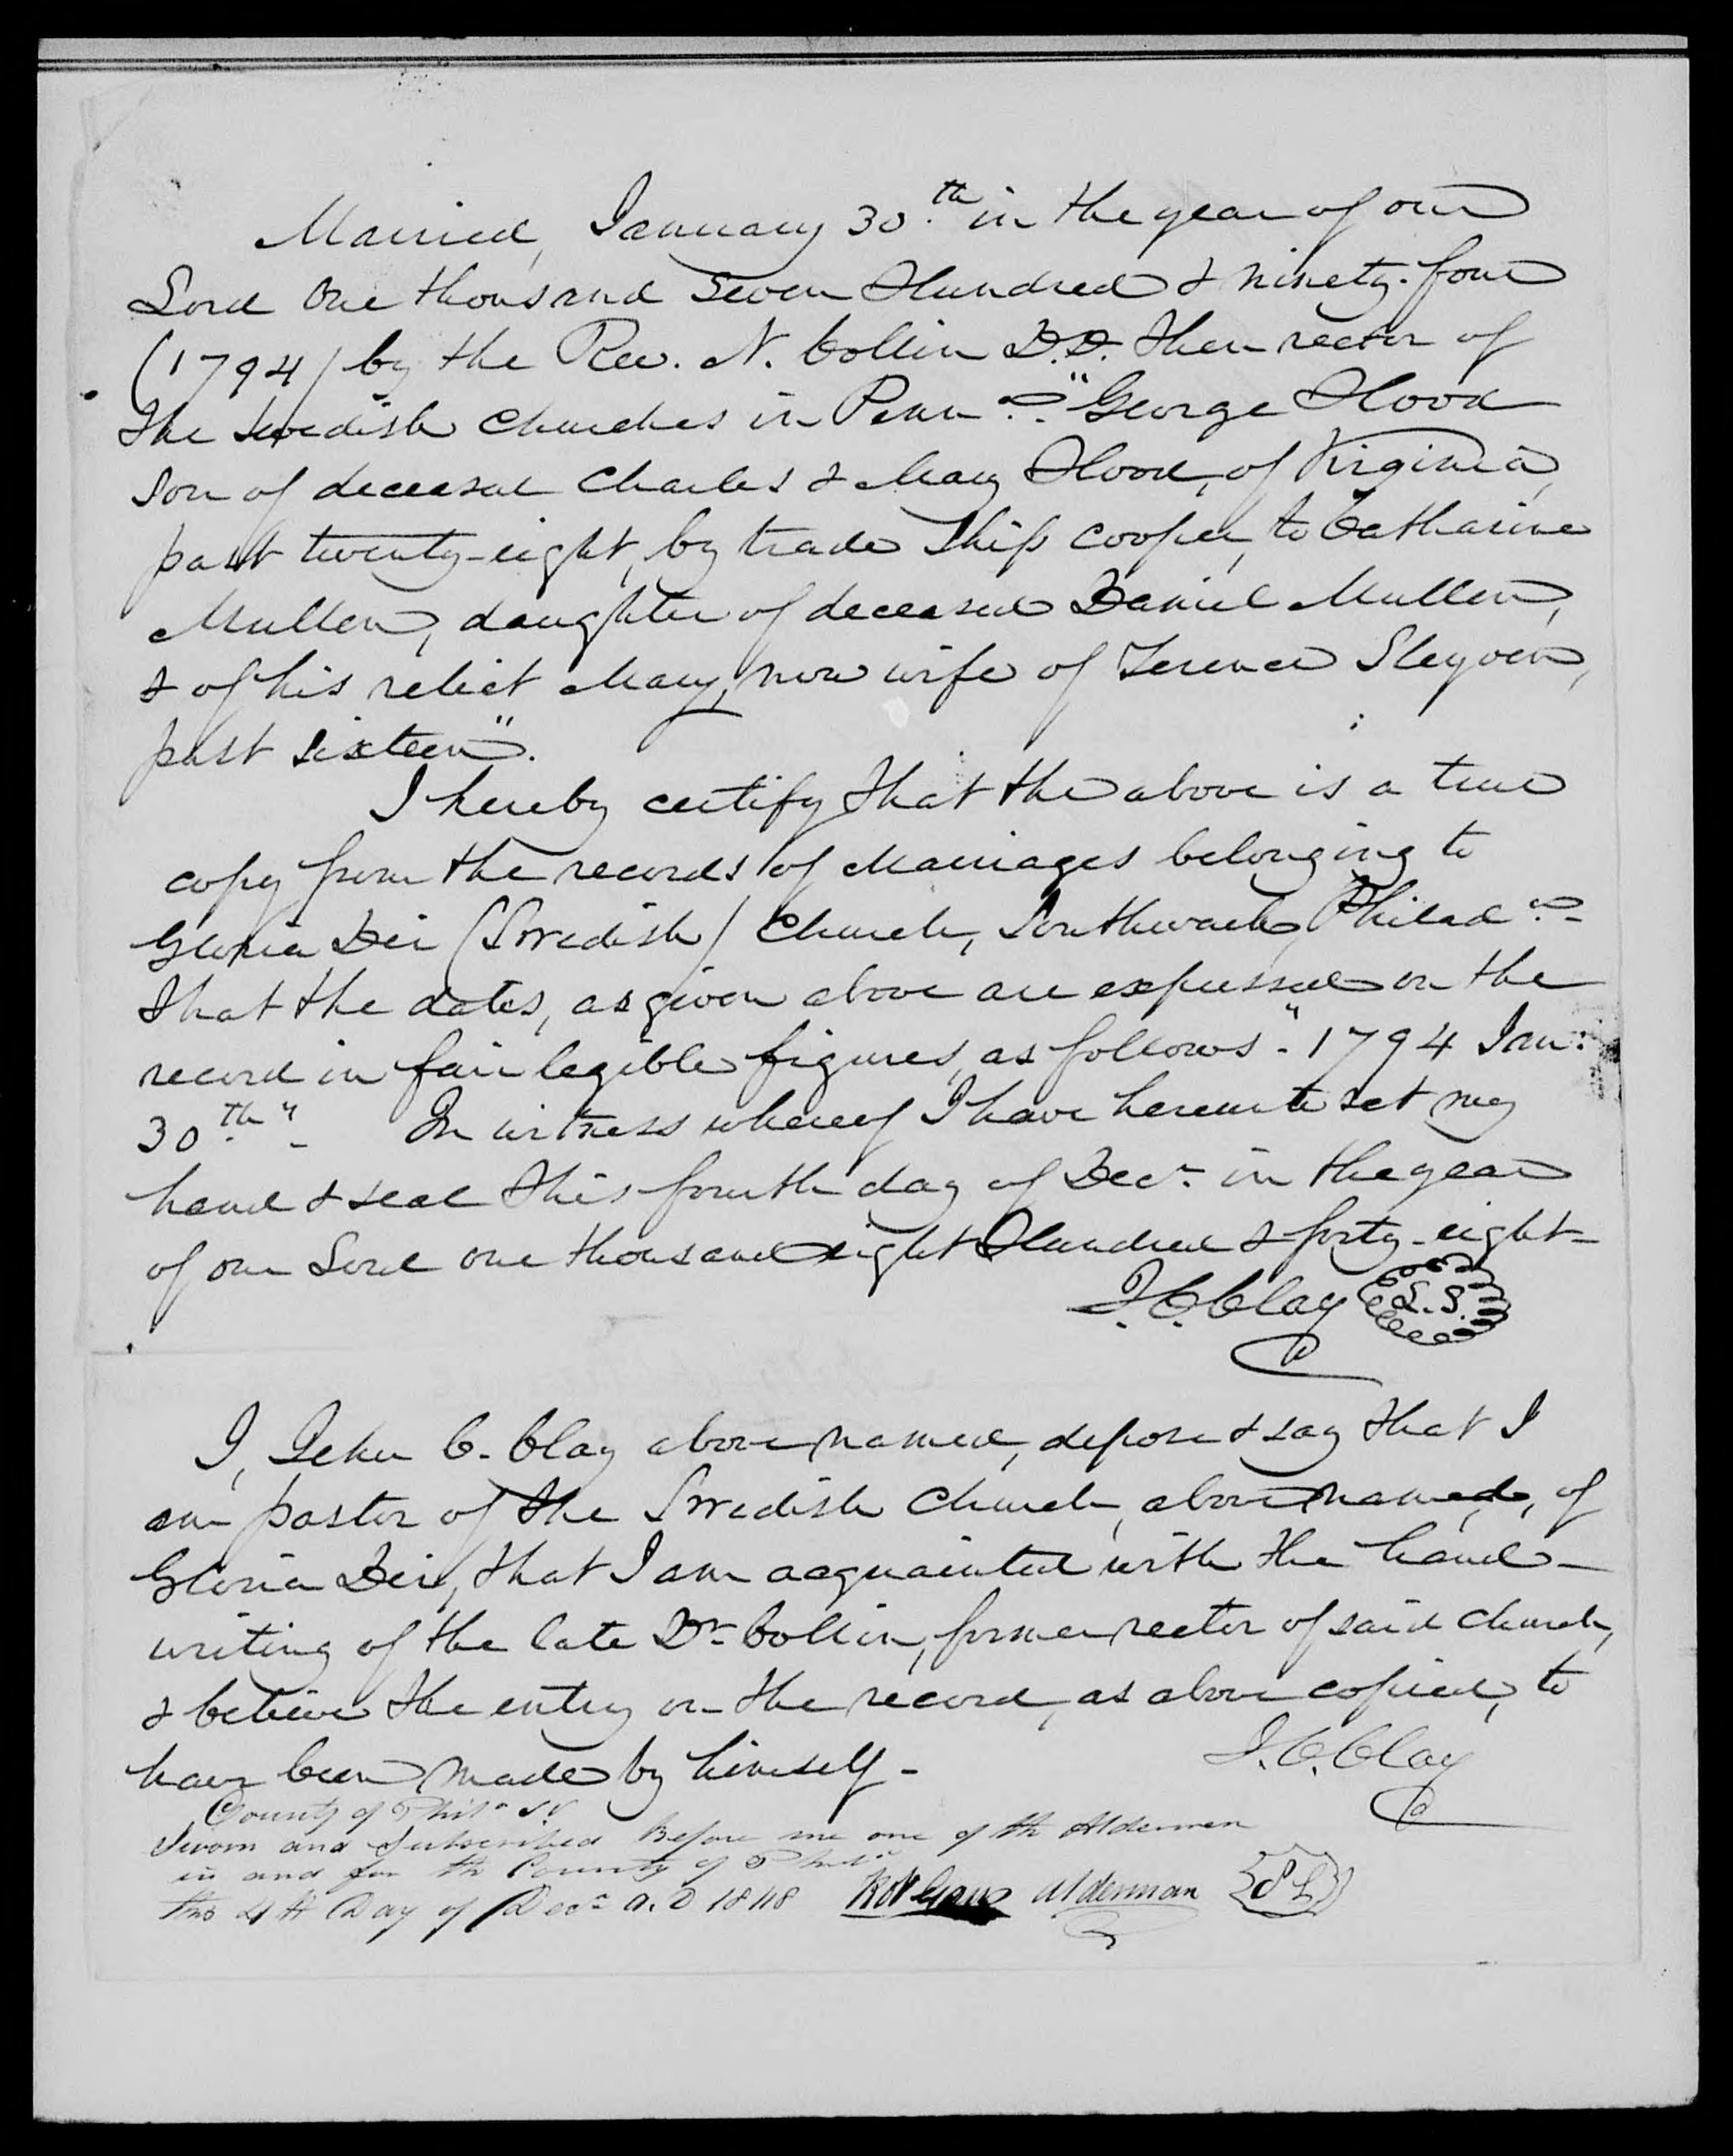Married January 30th in the year of our Lord one thousand seven hundred and ninety four (1794 by the Rev. N. Collin DD [Illegible] Rector of the Swedish Church in [Illegible]. George Hood, son of deceased Charles and May Hood of Virginia, past twenty eight by trade ship cooper, to Catharine Müller, daughter of Daniel Müller, 2 of his relief May, now wife of Turner Sleyven, past sixteen.
I hereby certify that the above is a true copy from the records of marriages belonging to [Illegible] (Swedish Church, [Illegible] Philadelphia that the dates given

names: Charles Hood, Rob Gaw, N Collin, Catharine Mullen, Terence Sleyven, J C Clay, Daniel Mullen, George Hood, J C Clay, Mary Hood, John C Clay, Collin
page: 4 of 51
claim: widow's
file: W 8939, George Hood, Continental Va.